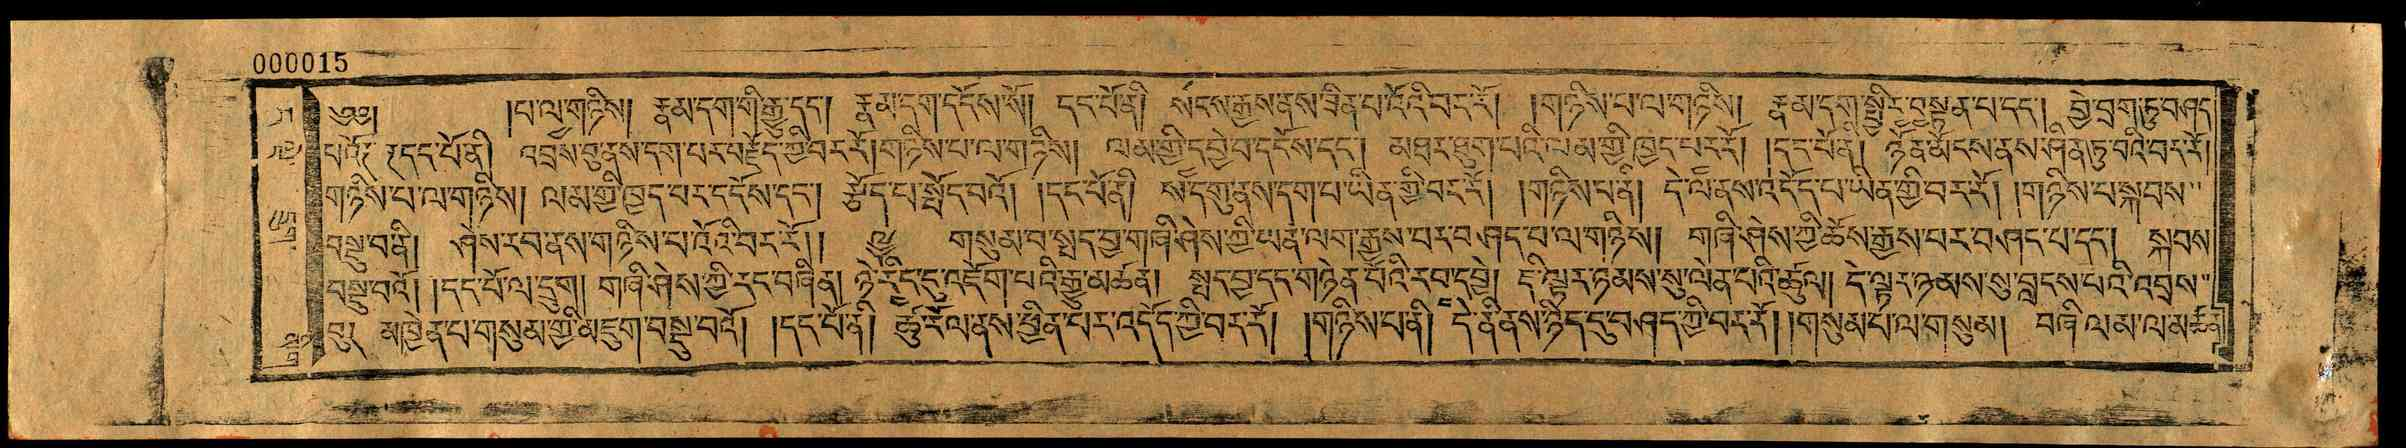༄༅། །པ་ལ་གཉིས། རྣམ་དག་གི་རྒྱུ་དང་། རྣམ་དག་དངོས་སོ། དང་པོ་ནི། སངས་རྒྱས་ནས་ཟིན་པ་འོའི་བར་རོ། །གཉིས་པ་ལ་གཉིས། རྣམ་དག་སྤྱིར་བསྟན་པ་དང་། བྱེ་བྲག་ཏུ་བཤད་
པའོ༑ ༑དང་པོ་ནི། འབྲས་བུ་ནས་དག་པར་བརྗོད་ཀྱི་བར་རོ། གཉིས་པ་ལ་གཉིས། ལམ་གྱི་དབྱེ་བ་དངོས་དང་། མཐར་ཐུག་པའི་ལམ་གྱི་ཁྱད་པར་རོ། །དང་པོ་ནི། ཉོན་མོངས་ནས་ཤིན་ཏུ་བའི་བར་རོ།
གཉིས་པ་ལ་གཉིས། ལམ་གྱི་ཁྱད་པར་དངོས་དང་། རྩོད་པ་སྤོང་བའོ། །དང་པོ་ནི། ས་དགུ་ནས་དག་པ་ཡིན་གྱི་བར་རོ། །གཉིས་པ་ནི། དེ་ལ་ནས་འདོད་པ་ཡིན་གྱི་བར་རོ། །གཉིས་པ་སྐབས་
བསྡུ་བ་ནི། ཤེས་རབ་ནས་གཉིས་པ་འོའི་བར་རོ། ། ༈ གསུམ་པ་སྤང་བྱ་གཞི་ཤེས་ཀྱི་ཡན་ལག་རྒྱས་པར་བཤད་པ་ལ་གཉིས། གཞི་ཤེས་ཀྱི་ཆོས་རྒྱས་པར་བཤད་པ་དང་། སྐབས་
བསྡུ་བའོ། །དང་པོ་ལ་དྲུག། གཞི་ཤེས་ཀྱི་རང་བཞིན། ཉེ་རིང་དུ་འཇོག་པའི་རྒྱུ་མཚན། སྤང་བྱ་དང་གཉེན་པའི་རབ་དབྱེ། ཇི་ལྟར་ཉམས་སུ་ལེན་པའི་ཚུལ། དེ་ལྟར་ཉམས་སུ་བླངས་པའི་འབྲས་
བུ༑ མཁྱེན་པ་གསུམ་གྱི་མཇུག་བསྡུ་བའོ། །དང་པོ་ནི། ཚུ་རོལ་ནས་ཕྱིན་པར་འདོད་ཀྱི་བར་རོ། །གཉིས་པ་ནི། དེ་ནི་ནས་ཉིད་དུ་བཤད་ཀྱི་བར་རོ། །གསུམ་པ་ལ་གསུམ། བཞི་ལམ་ལ་མཚན་